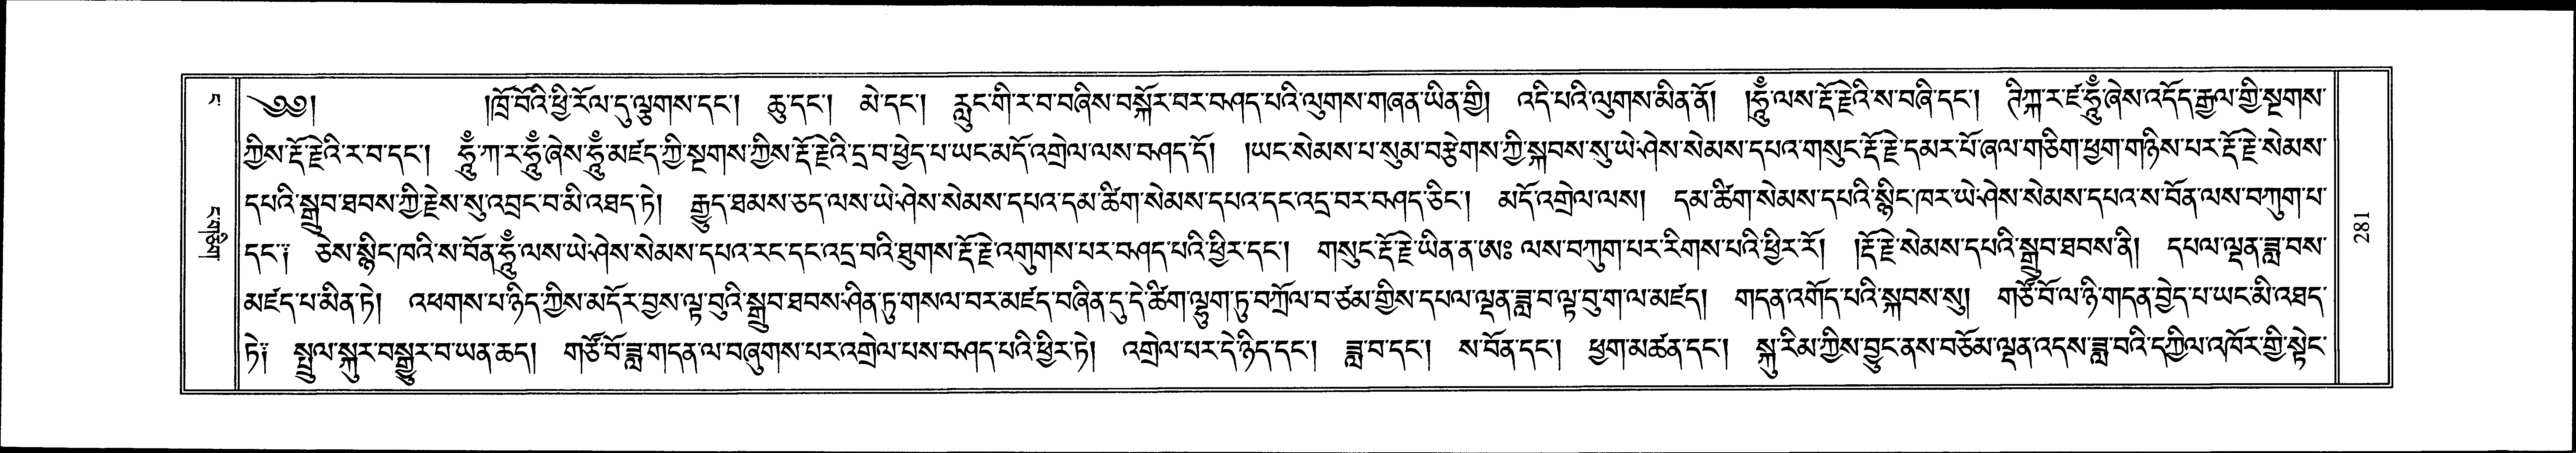༄༅། །ཁྲོ་བོའི་ཕྱི་རོལ་དུ་ལྕགས་དང་། ཆུ་དང་། མེ་དང་། རླུང་གི་ར་བ་བཞིས་བསྐོར་བར་བཤད་པའི་ལུགས་གཞན་ཡིན་གྱི། འདི་པའི་ལུགས་མིན་ནོ། །ཧཱུཾ་ལས་རྡོ་རྗེའི་ས་བཞི་དང་། ཊིཀྐ་ར་ཛ་ཧཱུཾ་ཞེས་འདོད་རྒྱལ་གྱི་སྔགས་
ཀྱིས་རྡོ་རྗེའི་ར་བ་དང་། ཧཱུཾ་ཀ་ར་ཧཱུཾ་ཞེས་ཧཱུཾ་མཛད་ཀྱི་སྔགས་ཀྱིས་རྡོ་རྗེའི་དྲ་བ་ཕྱེད་པ་ཡང་མདོ་འགྲེལ་ལས་བཤད་དོ། །ཡང་སེམས་པ་སུམ་བརྩེགས་ཀྱི་སྐབས་སུ་ཡེ་ཤེས་སེམས་དཔའ་གསུང་རྡོ་རྗེ་དམར་པོ་ཞལ་གཅིག་ཕྱག་གཉིས་པར་རྡོ་རྗེ་སེམས་
དཔའི་སྒྲུབ་ཐབས་ཀྱི་རྗེས་སུ་འབྲང་བ་མི་འཐད་ཏེ། རྒྱུད་ཐམས་ཅད་ལས་ཡེ་ཤེས་སེམས་དཔའ་དམ་ཚིག་སེམས་དཔའ་དང་འདྲ་བར་བཤད་ཅིང་། མདོ་འགྲེལ་ལས། དམ་ཚིག་སེམས་དཔའི་སྙིང་ཁར་ཡེ་ཤེས་སེམས་དཔའ་ས་བོན་ལས་བཀུག་པ་
དང་། ཅེས་སྙིང་ཁའི་ས་བོན་ཧཱུཾ་ལས་ཡེ་ཤེས་སེམས་དཔའ་རང་དང་འདྲ་བའི་ཐུགས་རྡོ་རྗེ་འགུགས་པར་བཤད་པའི་ཕྱིར་དང་། གསུང་རྡོ་རྗེ་ཡིན་ན་ཨཿ ལས་བཀུག་པར་རིགས་པའི་ཕྱིར་རོ། །རྡོ་རྗེ་སེམས་དཔའི་སྒྲུབ་ཐབས་ནི། དཔལ་ལྡན་ཟླ་བས་
མཛད་པ་མིན་ཏེ། འཕགས་པ་ཉིད་ཀྱིས་མདོར་བྱས་ལྟ་བུའི་སྒྲུབ་ཐབས་ཤིན་ཏུ་གསལ་བར་མཛད་བཞིན་དུ་དེ་ཚིག་ལྷུག་ཏུ་བཀྲོལ་བ་ཙམ་གྱིས་དཔལ་ལྡན་ཟླ་བ་ལྟ་བུ་ག་ལ་མཛད། གདན་འགོད་པའི་སྐབས་སུ། གཙོ་བོ་ལ་ཉི་གདན་བྱེད་པ་ཡང་མི་འཐད་
ཏེ། སྤྲུལ་སྐུར་བསྒྱུར་པ་ཡན་ཆད། གཙོ་བོ་ཟླ་གདན་ལ་བཞུགས་པར་འགྲེལ་པས་བཤད་པའི་ཕྱིར་ཏེ། འགྲེལ་པར་དེ་ཉིད་དང་། ཟླ་བ་དང་། ས་བོན་དང་། ཕྱག་མཚན་དང་། སྐུ་རིམ་ཀྱིས་བྱུང་ནས་བཅོམ་ལྡན་འདས་ཟླ་བའི་དཀྱིལ་འཁོར་གྱི་སྟེང་